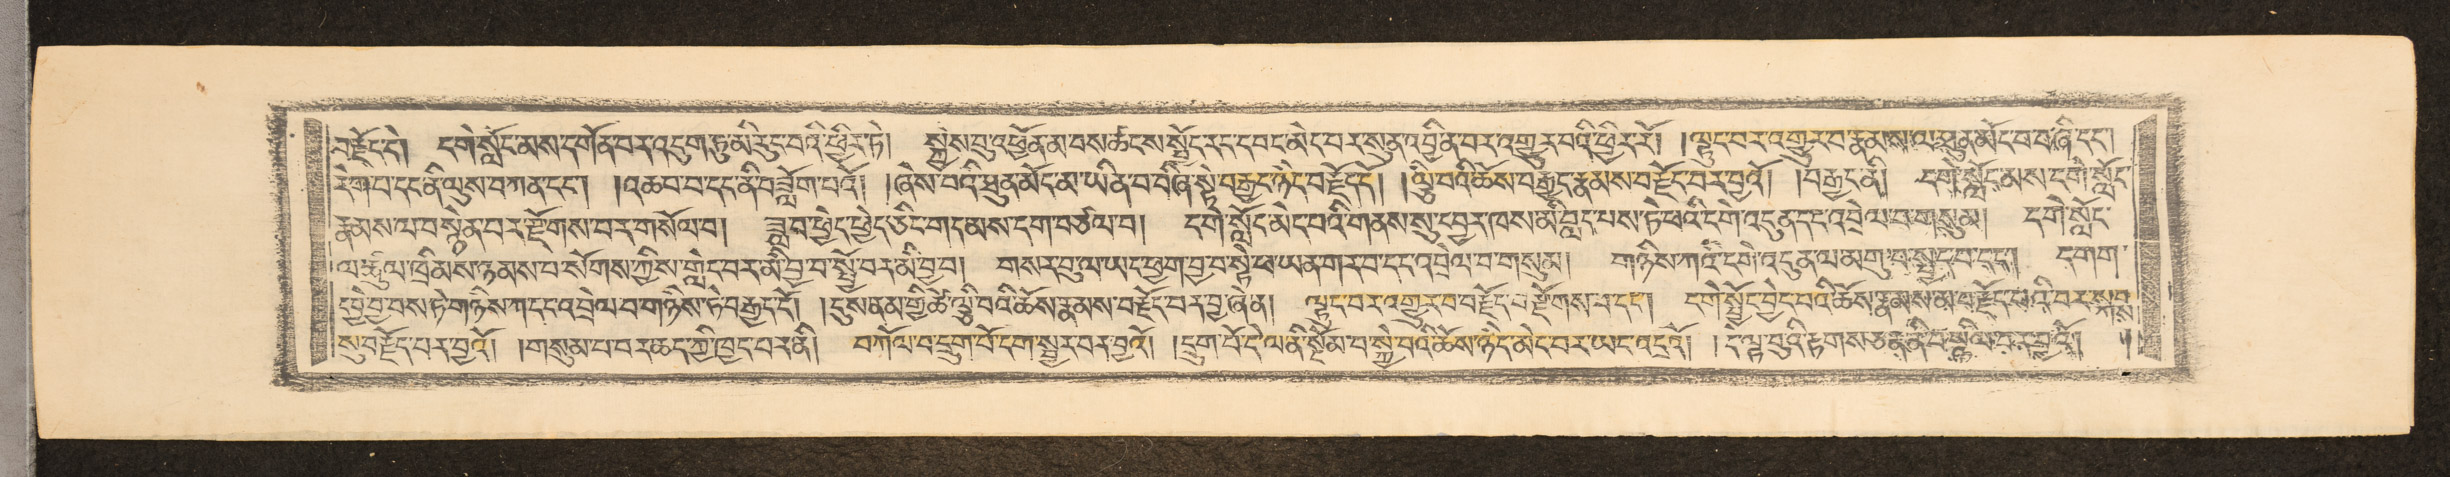བརྗོད་དེ། དགེ་སློང་མས་དགོན་པར་འདུག་ཏུ་མི་རུང་བའི་ཕྱིར་ཏེ། སྐྱེས་བུ་འཕྱོན་མ་བས་ཚངས་སྤྱོད་རང་དབང་མེད་པར་སུན་འབྱིན་པར་འགྱུར་བའི་ཕྱིར་རོ། །ལྟུང་བར་འགྱུར་བ་རྣམས་ལ་ཐུན་མོང་བ་བཞི་དང་།
རེག་པ་དང་ནི་ལུས་བཀན་དང་། །འཆབ་པ་དང་ནི་བཟློག་པའོ། །ཞེས་པའི་ཐུན་མོང་མ་ཡིན་པ་བཞི་སྟེ་བརྒྱད་ཉིད་བརྗོད་དོ། །ལྕི་བའི་ཆོས་བརྒྱད་རྣམས་བརྗོད་པར་བྱའོ། །བརྒྱད་ནི། དགེ་སློང་མས་དགེ་སློང་
རྣམས་ལ་བསྙེན་པར་རྫོགས་པར་གསོལ་བ། ཟླ་བ་ཕྱེད་ཕྱེད་ཅིང་གདམས་ངག་བཙལ་བ། དགེ་སློང་མེད་པའི་གནས་སུ་དབྱར་ཁས་མི་བླང་བས་ཏེ་ཕའི་དགེ་འདུན་དང་འབྲེལ་བ་གསུམ། དགེ་སློང་
ལ་ཚུལ་ཁྲིམས་ཉམས་པ་སོགས་ཀྱིས་གླེང་བར་མི་བྱ་བ་སྤྱོ་བར་མི་བྱ་བ། གསར་བུ་ལ་ཡང་ཕྱག་བྱ་བ་སྟེ་ཕ་ཡན་གར་བ་དང་འབྲེལ་བ་གསུམ། གཉིས་ཀའི་དགེ་འདུན་ལ་མགུ་བ་སྤྱད་པ་དང་། དགག་
དབྱེ་བྱ་བས་ཏེ་གཉིས་ཀ་དང་འབྲེལ་བ་གཉིས་ཏེ་བརྒྱད་དོ། །དུས་ནམ་གྱི་ཚེ་ལྕི་བའི་ཆོས་རྣམས་བརྗོད་པར་བྱ་ཞེ་ན། ལྟུང་བར་འགྱུར་བ་བརྗོད་པ་རྫོགས་པ་དང་། དགེ་སྦྱོང་བྱེད་པའི་ཆོས་རྣམས་མ་བརྗོད་པའི་བར་སྐབས་
སུ་བརྗོད་པར་བྱའོ། །གསུམ་པ་བར་ཆད་ཀྱི་ཁྱད་པར་ནི། བཀོལ་བ་དྲུག་པོ་དག་སྦྱར་བར་བྱའོ། །དྲུག་པོ་དེ་ལ་ནི་སྡོམ་པ་སྐྱེ་བའི་ཆོས་ཉིད་མེད་བར་ཡང་འདྲའོ། །དེ་ལྟ་བུའི་རྟགས་ཅན་ནི་བསྙིལ་བར་བྱའོ། །